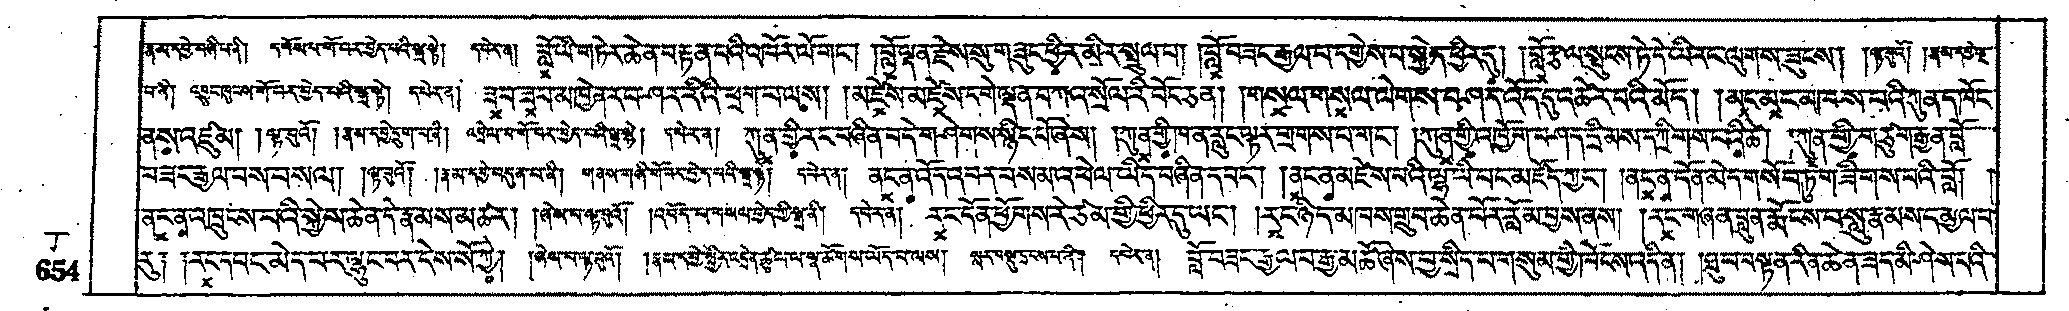རྣམ་དབྱེ་བཞི་པ་ནི། དགོས་པ་གོ་བར་བྱེད་པའི་སྒྲ་སྟེ། དཔེར་ན། བློ་ཡི་གཏེར་ཆེན་བརྟན་པའི་འཁོར་ལོ་གང་། །བློ་ལྡན་རྗེས་སུ་གཟུང་ཕྱིར་མིར་སྤྲུལ་པ། །བློ་བཟང་རྒྱལ་བ་དགྱེས་པ་སྐྱེད་ཕྱིར་དུ། །བློ་རྩལ་སྤུངས་ཏེ་དེ་ཡི་རང་ལུགས་ཟུངས། །ལྟ་བུའོ། །རྣམ་དབྱེ་ལྔ་་་
པ་ནི། འབྱུང་ཁུངས་གོ་བར་བྱེད་པའི་སྒྲ་སྟེ། དཔེར་ན། ཟབ་ཟབ་མཁྱེན་རབ་ཤར་རིའི་ཕྲག་པ་ལས། །མཛེས་མཛེས་དགེ་ལྡན་བཀའ་སྲོལ་རི་བོང་ཅན། །གསལ་གསལ་ལེགས་བཤད་འོད་དུ་འཚེར་བའི་མོད། །མང་མང་མཁས་པའི་ཀུན་ད་ཁོང་
ནས་འཛུམ། །ལྟ་བུའོ། །རྣམ་དབྱེ་དྲུག་པ་ནི། འབྲེལ་བ་གོ་བར་བྱེད་པའི་སྒྲ་སྟེ། དཔེར་ན།  ཀུན་གྱི་རང་བཞིན་བདེ་གཤེགས་སྙིང་པོ་ཞེས། །ཀུན་གྱི་ཁ་ན་རླུང་ལྟར་གྲགས་པ་གང་། །ཀུན་གྱི་འཁྱོག་བཤད་དྲི་མས་དཀྲིགས་པའི་ཚེ། །ཀུན་གྱི་གཙུག་རྒྱན་བློ་་་
བཟང་རྒྱལ་བས་བསལ། །ལྟ་བུའོ། །རྣམ་དབྱེ་བདུན་པ་ནི། གནས་གཞི་གོ་བར་བྱེད་པའི་སྒྲ་སྟེ། དཔེར་ན།  ནང་ན་འོད་འབར་བསམ་འཕེལ་ཡིད་བཞིན་དབང་། །ནང་ན་མཛེས་པའི་ལྷ་ཡི་དབང་མཛོད་ཀྱང་། །ནང་ན་དོན་མེད་གསོབ་ཏུ་གཟིགས་པའི་བློ། །
ནང་ན་འཁྲུངས་པའི་སྐྱེས་ཆེན་དེ་རྣམས་མཚར། །ཞེས་པ་ལྟ་བུའོ། །འོད་པ་གསལ་བྱེད་ཀྱི་སྒྲ་ནི། དཔེར་ན།  རང་དོན་ཕྱོགས་རེ་ཙམ་གྱི་ཕྱིར་དུ་ཡང་། །རང་ཉིད་མཁས་གྲུབ་ཆེན་པོར་རློམ་བྱས་ནས། །རང་གཞན་བླུན་རྨོངས་བསླུ་རྣམ་དམྱལ་བ་
རུ༑ ༑རང་དབང་མེད་པར་ལྷུང་བར་ངེས་སོ་ཀྱེཾ། །ཞེས་པ་ལྟ་བུའོ། །རྣམ་དབྱེ་སྤྱིར་འདྲེན་ཚུལ་ལ་སྣ་ཚོགས་ཡོད་པ་ལས། སླར་བསྡུ་དྲངས་པ་ནི། དཔེར་ན།  བློ་བཟང་རྒྱལ་བ་རྒྱ་མཚོ་ཞེས་བྱ་སྲིད་པ་གསུམ་གྱི་ཁོངས་འདི་ན། །ཐུབ་བསྟན་རིན་ཆེན་ཟད་མི་ཤེས་པའི་